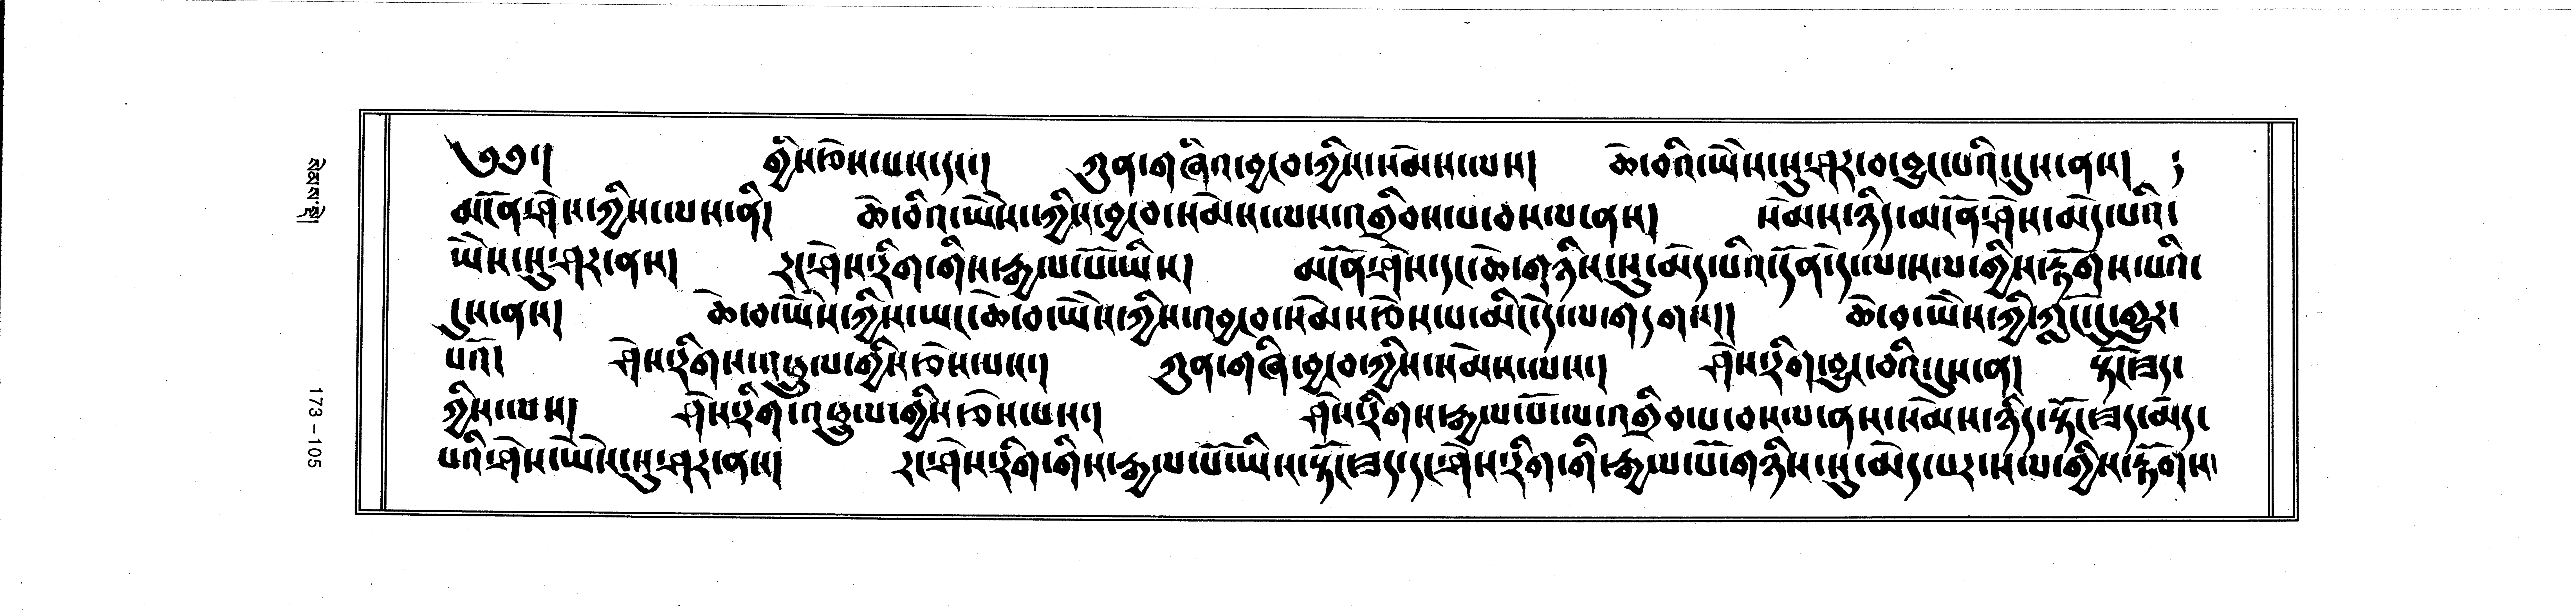གྱིས་ཅེས་པས། ཀུན་གཞི་བྱང་ཆུབ་ཀྱི་སེམས་ལས། ཆེ་བའི་ཡེ་ཤེས་སུ་ཤར་བ་བྱུང་བའི་དུས་ན། 
མངོན་ཤེས་ཀྱི་ལས་ནི། ཆེ་བའི་ཡེ་ཤེས་ཀྱི་བྱང་ཆུབ་སེམས་ལས་འགྲིབ་པ་བསལ་ནས། སེམས་ཉིད་མངོན་ཤེས་མེད་པའི་
ཡེ་ཤེས་སུ་ཤར་ནས། རང་ཤེས་རིག་གི་རྒྱལ་པོ་ཡིས་མངོན་ཤེས་དང་ཆེ་བ་གཉིས་སུ་མེད་པའི་དོན་དེ་ལ་སལ་གྱིས་རྟོགས་པའི་
དུས་ན། ཆེ་བ་ཡེ་ཤེས་ཀྱི་ཡང་ཆེ་བ་ཡེ་ཤེས་ཀྱི་བྱང་ཆུབ་སེམས་ཅེས་པ་མིང་དེ་ལ་གདགས། ཆེ་བ་ཡེ་ཤེས་ཀྱི་ཀློང་དུ་གྱུར་
པའོ། །ཤེས་རིག་འཕྲུལ་གྱིས་ཅེས་པས། ༼ཀུན་གཞི་བྱང་ཆུབ་ཀྱི་སེམས་ལས། ཤེས་རིག་རྒྱལ་པོ་བྱུང་བའི་དུས་ན།༽ སྟོང་ཟད་
ཀྱི་ལས་ཤེས་རིག་རྒྱལ་པོ་བྱང་ཆུབ་སེམས་ལས་འགྲིབ་པ་བསལ་ནས། སེམས་ཉིད་སྟོང་ཟད་མེད་
པའི་ཡེ་ཤེས་སུ་ཤར་ནས། རང་ཤེས་རིག་གི་རྒྱལ་པོ་ཡིས་སྟོང་ཟད་དང་ཤེས་རིག་གི་རྒྱལ་པོ་གཉིས་སུ་མེད་པར་སལ་གྱིས་རྟོགས་